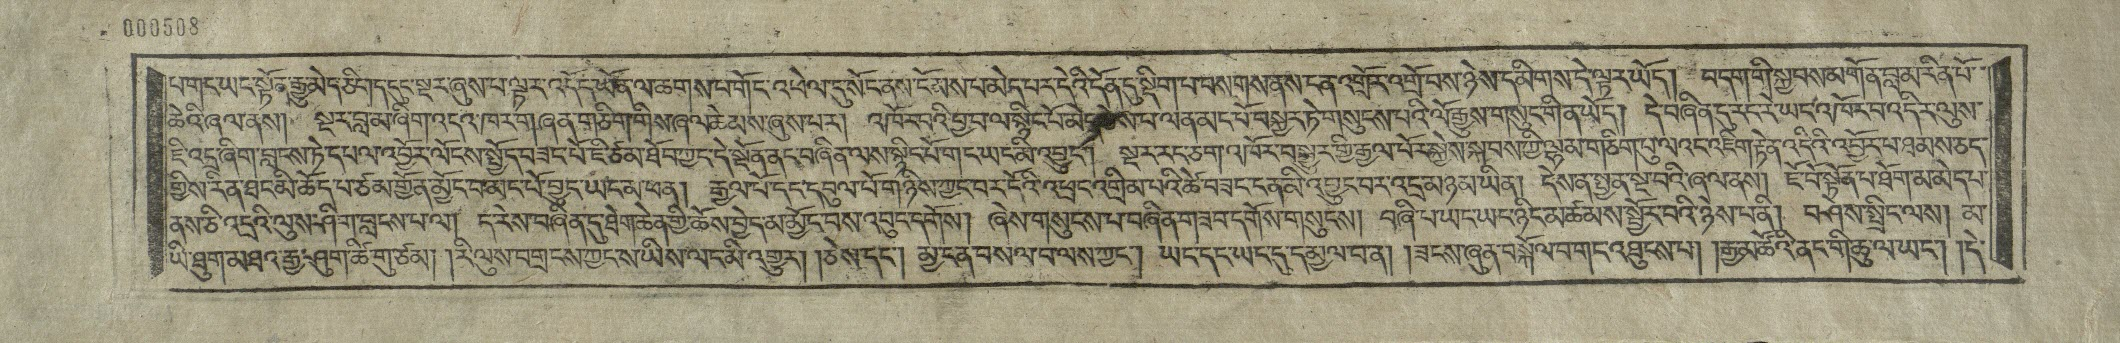པ་གང་ཡང་སྟོན་རྒྱུ་མེད་ཅིང་། ད་དུང་སྔར་ཞུས་པ་ལྟར་འདོད་ཡོན་ལ་ཆགས་པ་གོང་འཕེལ་དུ་སོང་ནས་ངོམས་པ་མེད་པར་དེའི་དོན་དུ་སྡིག་པ་བསགས་ནས་ངན་འགྲོར་འགྲོ་བས་ཉེས་དམིགས་དེ་ལྟར་ཡོད། བདག་གི་སྐྱབས་མགོན་བླ་མ་རིན་པོ་
ཆེའི་ཞལ་ནས། སྔར་བླ་མ་ཞིག་འདའ་ཁར་གཞན་གཅིག་གིས་ཞལ་ཆེམས་ཞུས་པར། འཁོར་བའི་བྱ་བ་ལ་སྙིང་པོ་མེད་ཅེས་པ་ལན་མང་པོ་བསྐྱར་ཏེ་གསུངས་པའི་ལོ་རྒྱུས་གསུང་གི་ན་ཡོད། དེ་བཞིན་དུ་རང་རེ་ཡང་འཁོར་བ་འདིར་ལུས་
ཇི་འདྲ་ཞིག་བླངས་ཏེ་དཔལ་འབྱོར་ལོངས་སྤྱོད་བཟང་པོ་ཇི་ཙམ་ཐོབ་ཀྱང་དེ་སྔོན་ནང་བཞིན་ལས་སྙིང་པོ་གང་ཡང་མི་འབྱུང་། སྔར་རང་ཅག་འཁོར་བསྒྱུར་གྱི་རྒྱལ་པོར་སྐྱེས་སྐབས་ཀྱི་ལྷམ་གཅིག་པུ་ལའང་འཇིག་རྟེན་འདིའི་འབྱོར་པ་ཐམས་ཅད་
གྱིས་རིན་ཐང་མི་ཆོད་པ་ཙམ་གྱོན་མྱོང་བ་མང་པོ་བྱུང་ཡང་མ་ཕན། རྒྱལ་པོ་དང་དབུལ་པོ་གཉིས་ཀྱང་བར་དོའི་འཕྲང་འགྲིམ་པའི་ཚེ་བཟང་ངན་མི་འབྱུང་བར་འདྲ་མཉམ་ཡིན། དེས་ན་སྤྱན་སྔ་བའི་ཞལ་ནས། ཇོ་བོ་སྟོན་པ་ཐོག་མ་མེད་པ་
ནས་ཅི་འདྲའི་ལུས་ཤིག་བླངས་པ་ལ། ད་རེས་བཞིན་དུ་ཐེག་ཆེན་གྱི་ཆོས་བྱེད་མ་མྱོང་བས་འབུང་དགོས། ཞེས་གསུངས་པ་བཞིན་གཟབ་དགོས་གསུངས། བཞི་པ་ཡང་ཡང་ཉིང་མཚམས་སྦྱོར་བའི་ཉེས་པ་ནི། བཤེས་སྤྲིང་ལས། མ་
ཡི་ཐུག་མཐའ་རྒྱ་ཤུག་ཚི་གུ་ཙམ། །རི་ལུས་བགྲངས་ཀྱང་ས་ཡིས་ལང་མི་འགྱུར། །ཅེས་དང་། མྱ་ངན་བསལ་བ་ལས་ཀྱང་། ཡང་དང་ཡང་དུ་དམྱལ་བ་ན། །ཟངས་ཞུན་བསྐོལ་བ་གང་འཐུངས་པ། །རྒྱ་མཚོའི་ནང་གི་ཆུ་ལ་ཡང་། །དེ་